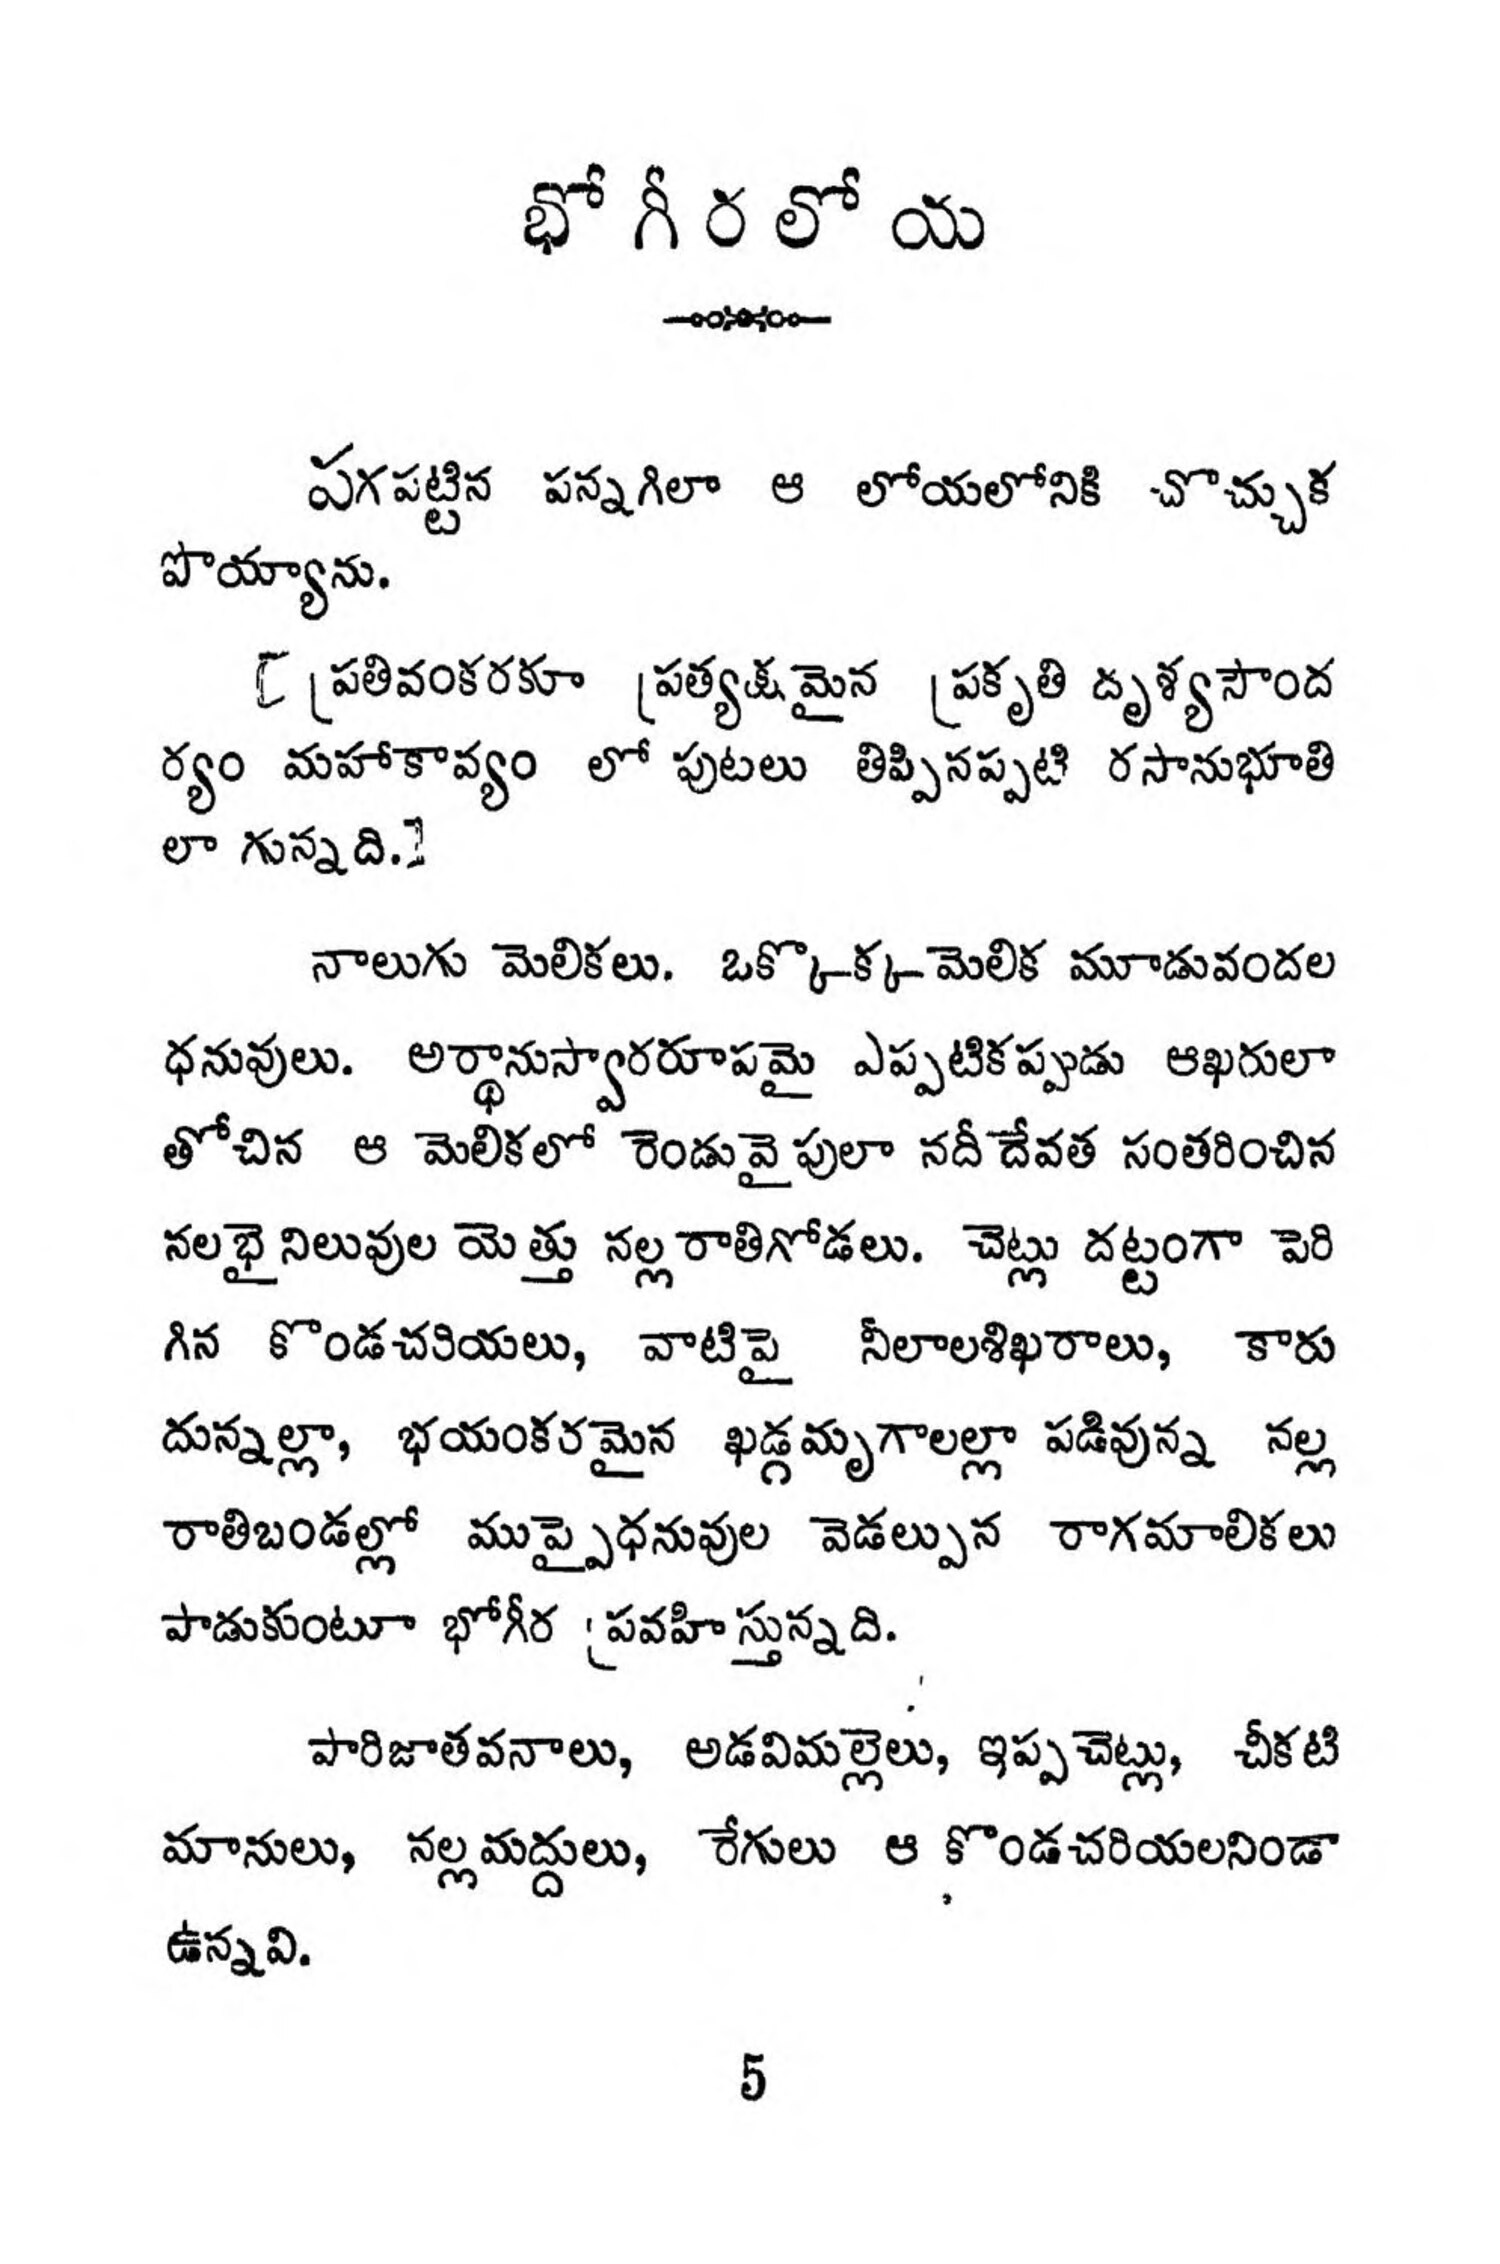భోగీరలోయ

పగపట్టిన పన్నగిలా ఆ లోయలోనికి చొచ్చుక పొయ్యాను.

ప్రతివంకరకూ ప్రత్యక్షమైన ప్రకృతి దృశ్యసౌందర్యం మహాకావ్యం లో పుటలు తిప్పినప్పటి రసానుభూతిలా గున్నది.

నాలుగు మెలికలు. ఒక్కొక్కమెలిక మూడువందల ధనువులు. అర్థానుస్వారరూపమై ఎప్పటికప్పుడు ఆఖరులా తోచిన ఆ మెలికలో రెండువైపులా నదీ దేవత సంతరించిన నలభై నిలువుల యెత్తు నల్ల రాతిగోడలు. చెట్లు దట్టంగా పెరిగిన కొండచరియలు, వాటిపై నీలాలశిఖరాలు, కారు దున్నల్లా, భయంకరమైన ఖడ్గమృగాలల్లా పడివున్న నల్లరాతిబండల్లో, ముప్పైధనువుల వెడల్పున రాగమాలికలు పాడుకుంటూ భోగీర ప్రవహిస్తున్నది.

పారిజాతవనాలు, అడవిమల్లెలు, ఇప్పచెట్లు, చీకటి మానులు, నల్లమద్దులు, రేగులు ఆ కొండచరియలనిండా ఉన్నవి.